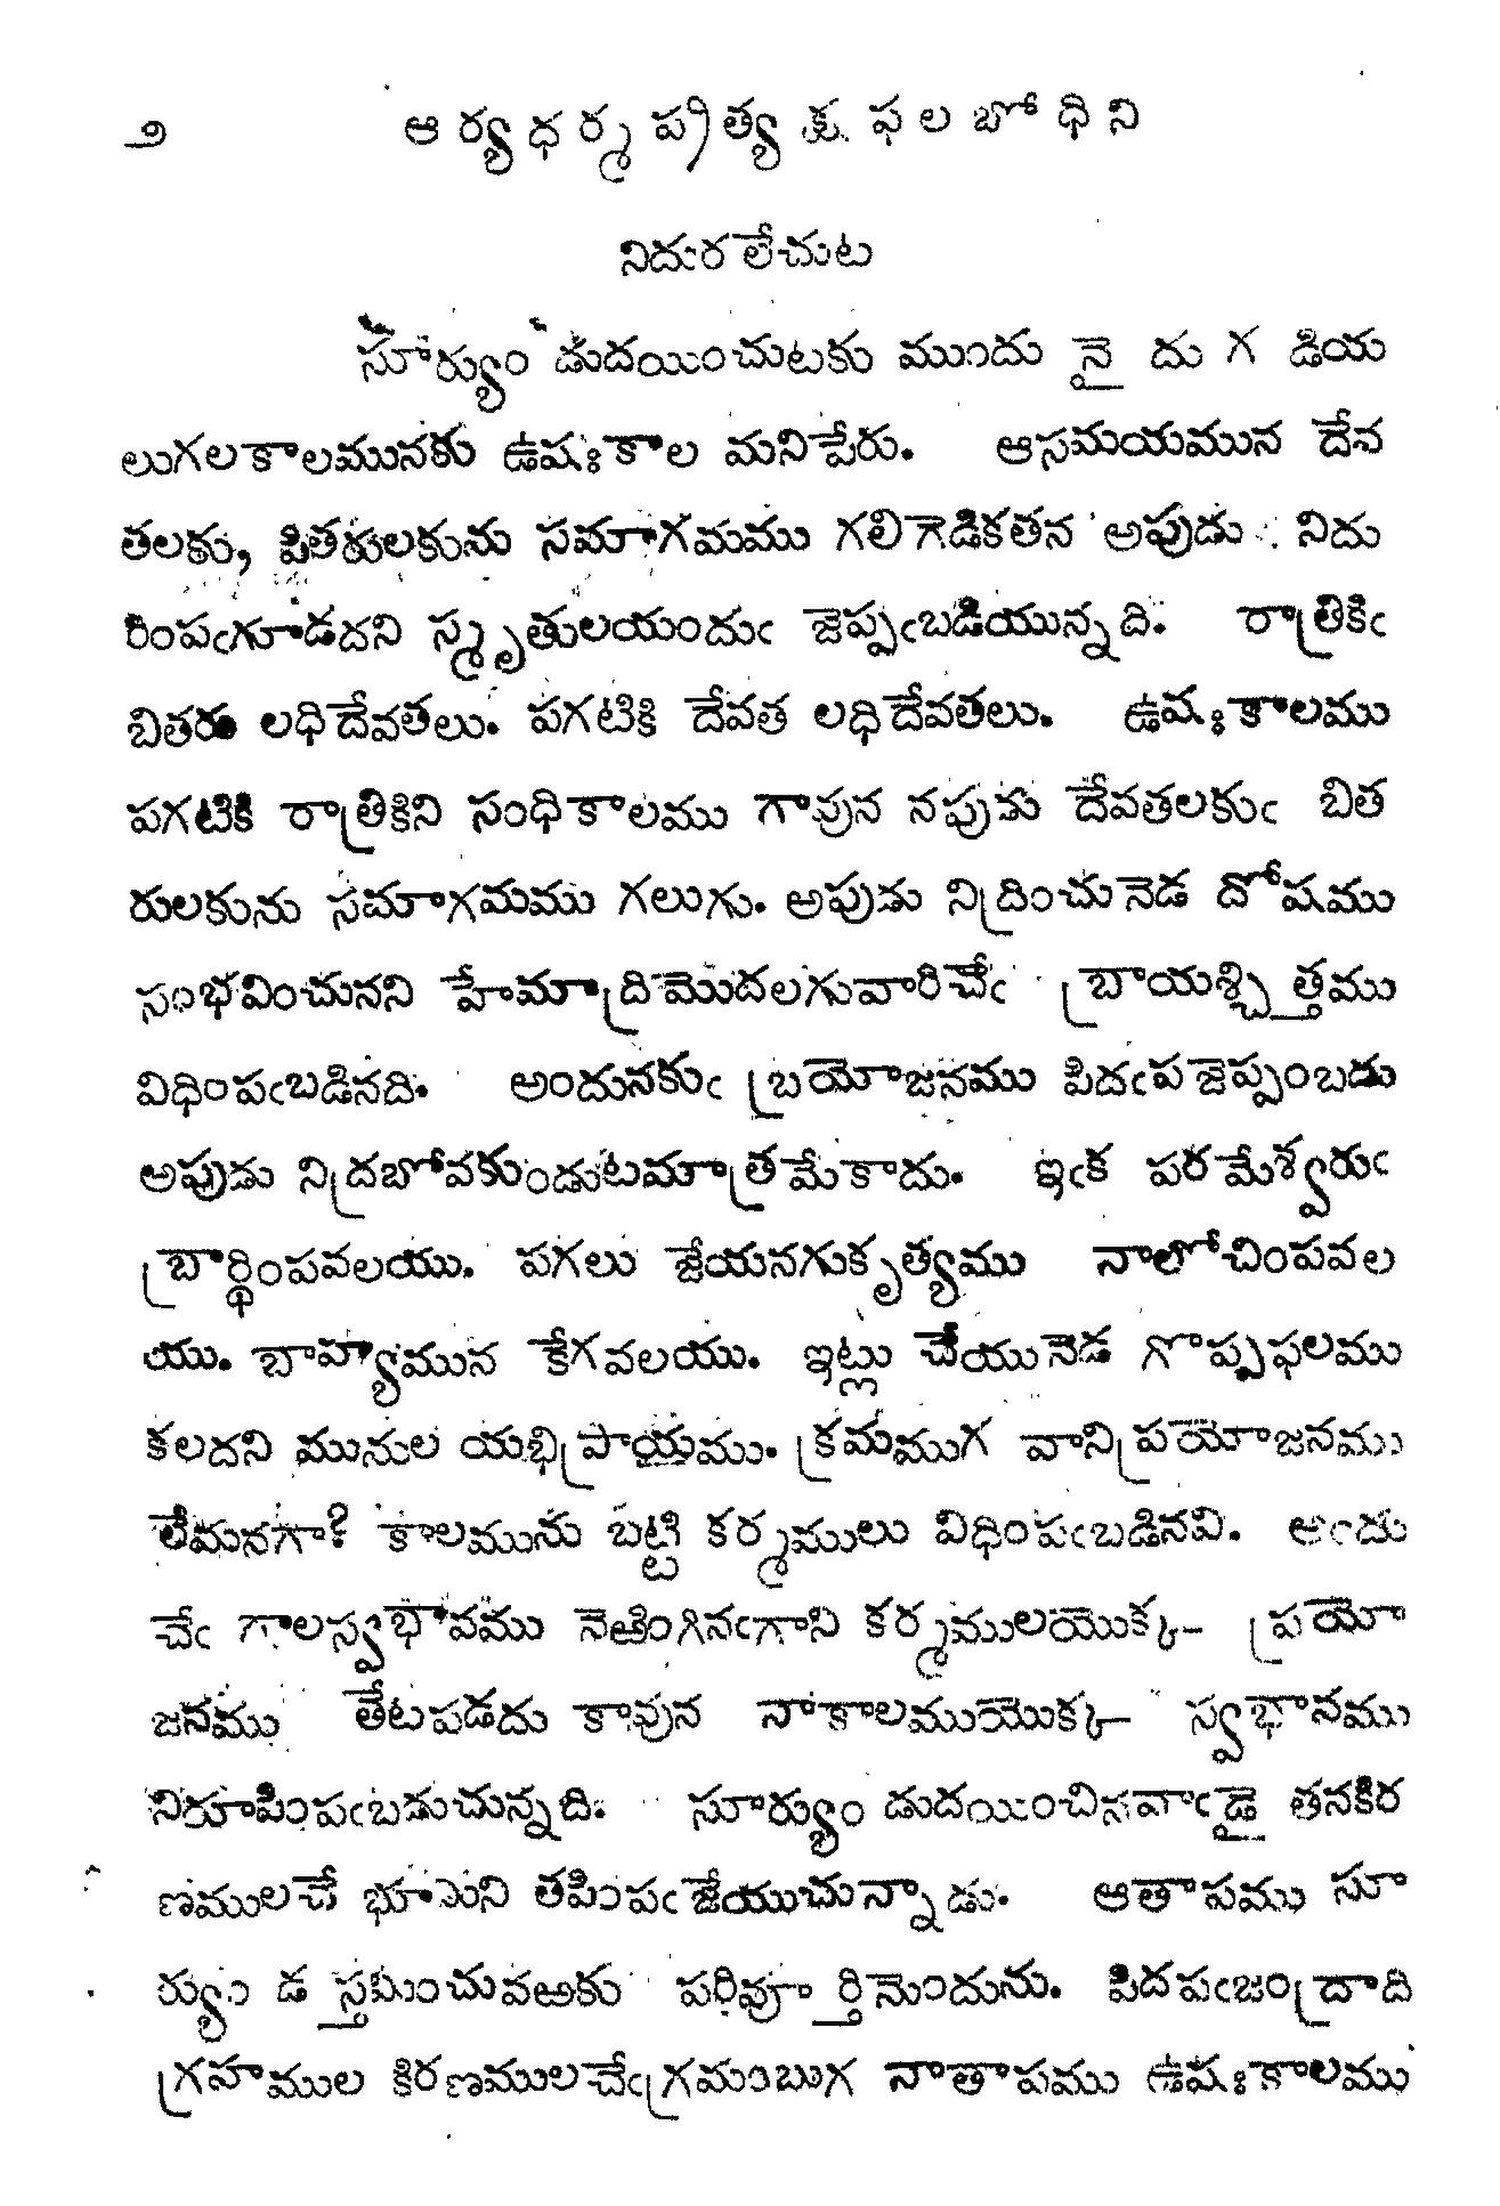సూర్యుం డుదయించుటకు ముందు నైదుగడియలుగలకాలమునకు ఉషఃకాల మనిపేరు. ఆసమయమున దేవతలకు, పితరులకును సమాగమము గలిగెడికతన అపుడు నిదురింపఁగూడదని స్మృతులయందుఁ జెప్పఁబడియున్నది. రాత్రికిఁ బితరు లధిదేవతలు. పగటికి దేవత లధిదేవతలు. ఉషఃకాలము పగటికి రాత్రికిని సంధికాలము గావున నపుడు దేవతలకుఁ బితరులకును సమాగమము గలుగు. అపుడు నిద్రించునెడ దోషము సంభవించునని హేమాద్రిమొదలగువారిచేఁ బ్రాయశ్చిత్తము విధింపఁబడినది. అందునకుఁ బ్రయోజనము పిదఁపజెప్పంబడు అపుడు నిద్రబోవకుండుటమాత్రమేకాదు. ఇఁక పరమేశ్వరుఁ
బ్రార్థింపవలయు. పగలు జేయనగుకృత్యము నాలోచింపవలయు. బాహ్యమున కేగవలయు. ఇట్లు చేయునెడ గొప్పఫలము కలదని మునుల యభిప్రాయము. క్రమముగ వానిప్రయోజనము లేమనగా? కాలమును బట్టి కర్మములు విధింపఁబడినవి. అందుచేఁ గాలస్వభావము నెఱింగినఁగాని కర్మములయొక్క ప్రయోజనము తేటపడదు కావున నాకాలముయొక్క స్వభావము నిరూపింపఁబడుచున్నది. సూర్యుం డుదయించినవాఁడై తనకిరణములచే భూమిని తపింపఁజేయుచున్నాడు. ఆతాపము సూర్యుం డస్తమించువఱకు పరిపూర్తినొందును. పిదపఁజంద్రాది గ్రహముల కిరణములచేఁగ్రమంబుగ నాతాపము ఉషఃకాలము